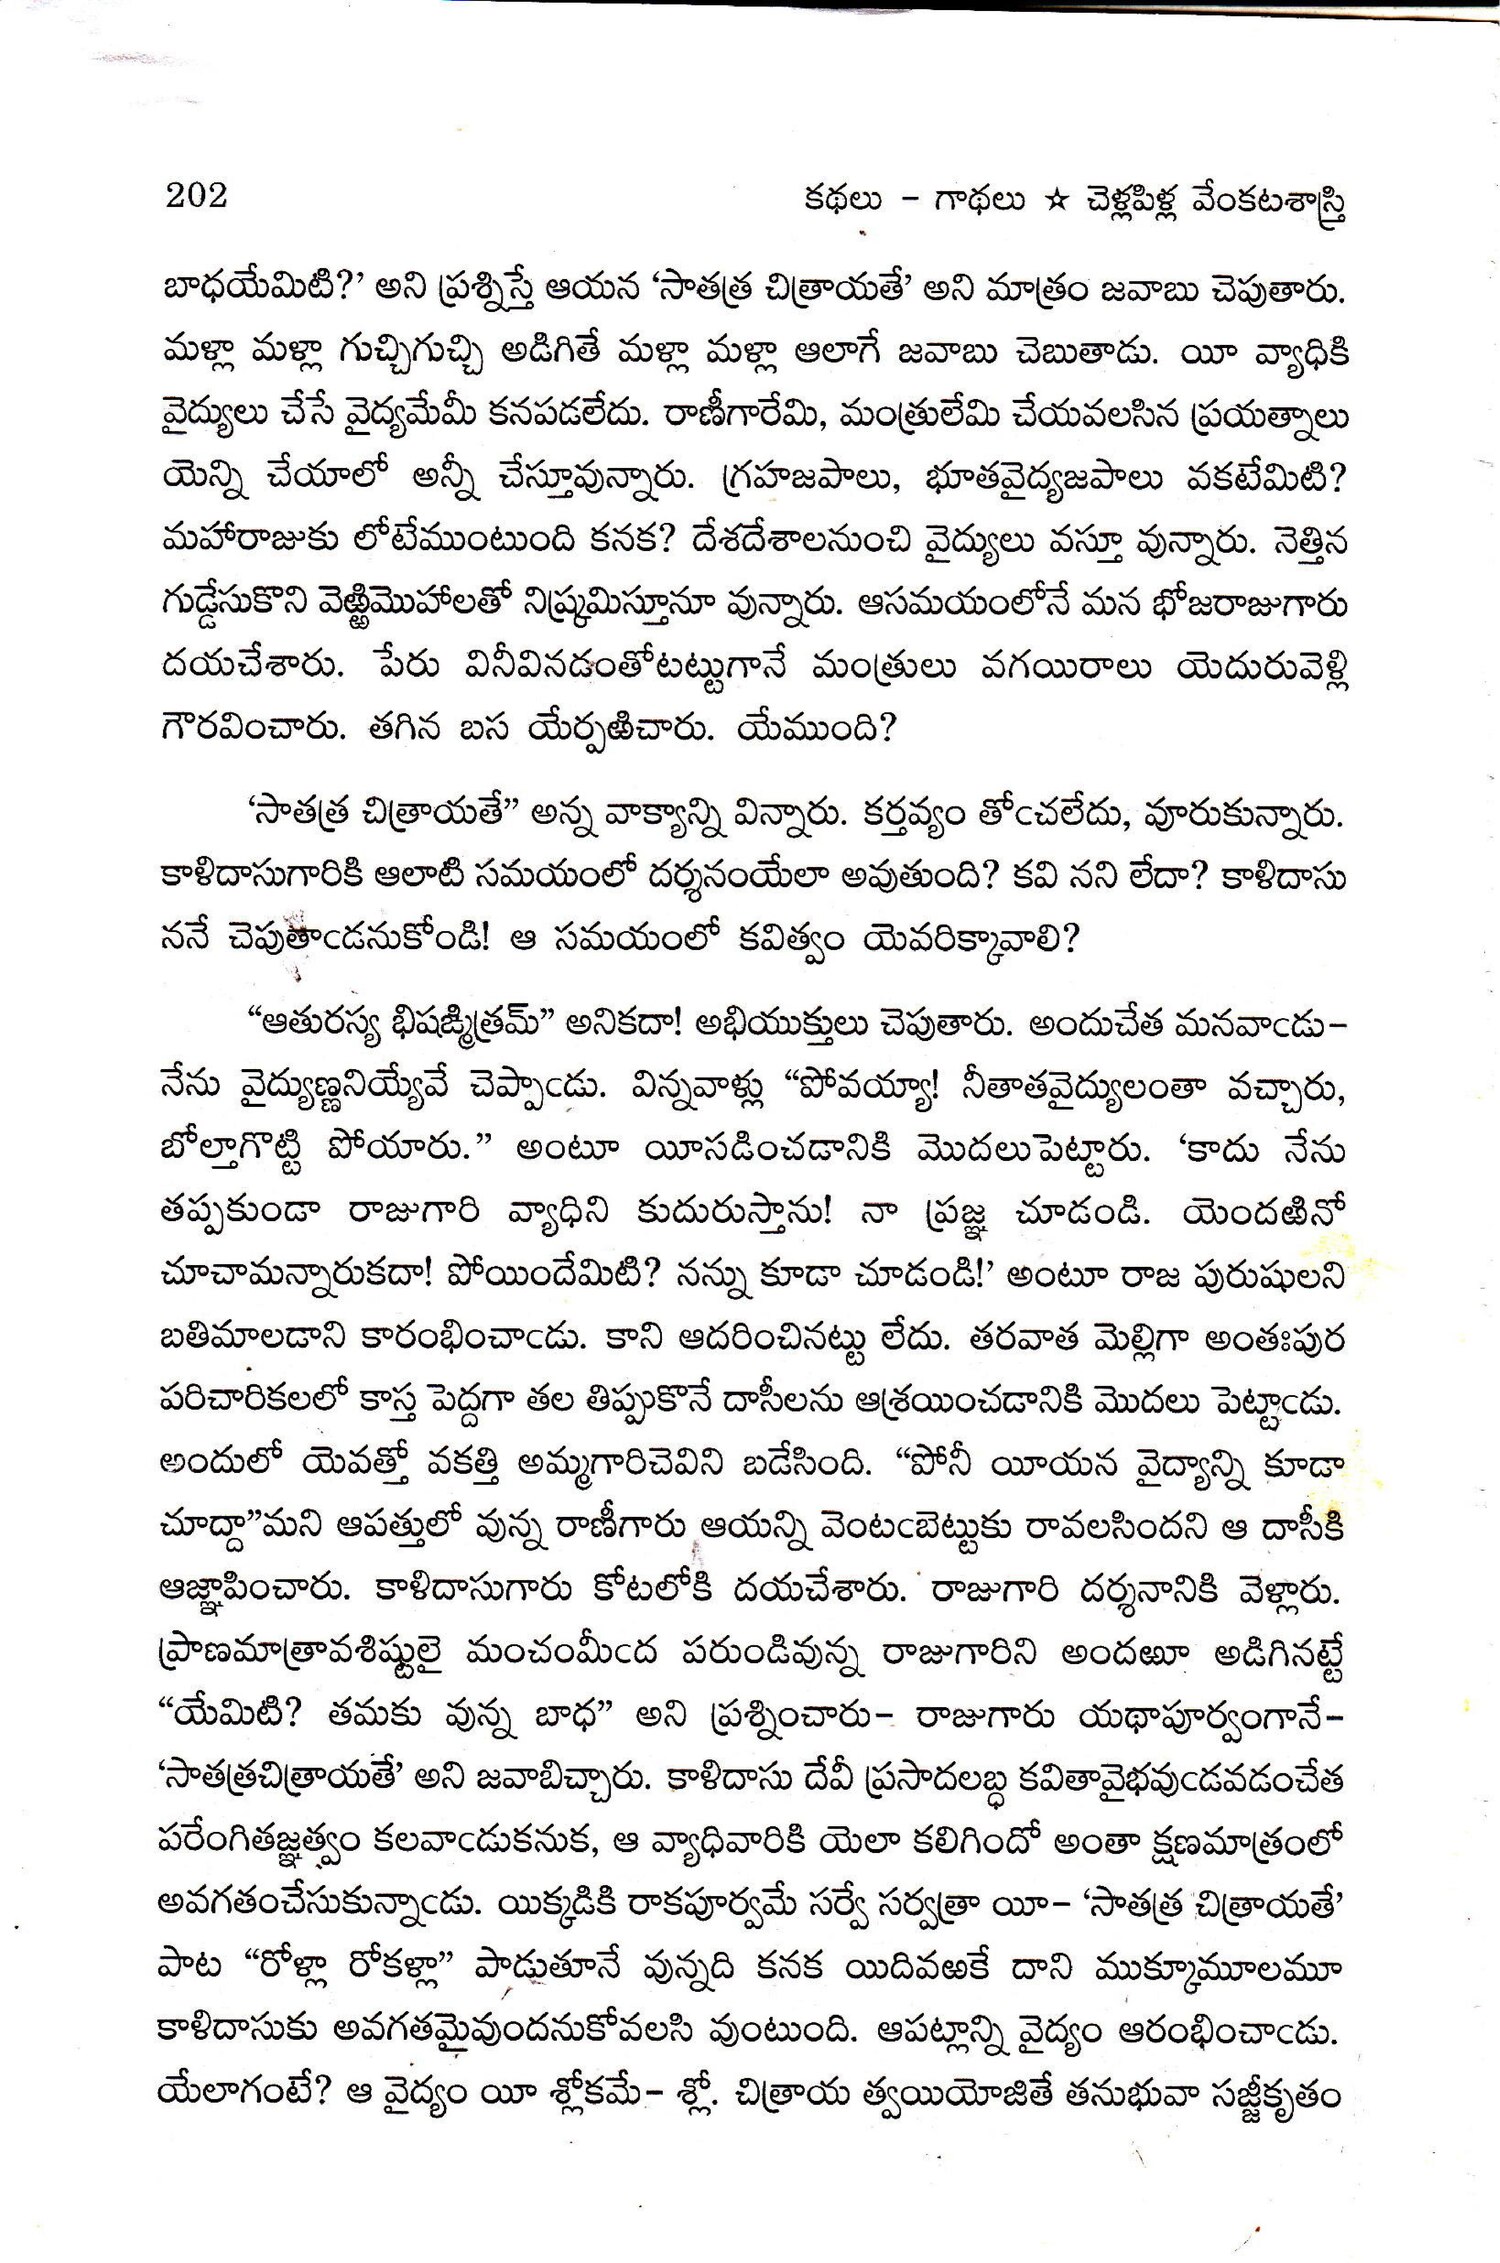బాధయేమిటి?' అని ప్రశ్నిస్తే ఆయన 'సాతత్ర చిత్రాయతే' అని మాత్రం జవాబు చెపుతారు. మళ్లా మళ్లా గుచ్చిగుచ్చి అడిగితే మళ్లా మళ్లా ఆలాగే జవాబు చెబుతాడు. యీ వ్యాధికి వైద్యులు చేసే వైద్యమేమీ కనపడలేదు. రాణీగారేమి, మంత్రులేమి చేయవలసిన ప్రయత్నాలు యెన్ని చేయాలో అన్నీ చేస్తూవున్నారు. గ్రహజపాలు, భూతవైద్యజపాలు వకటేమిటి? మహారాజుకు లోటేముంటుంది కనక దేశదేశాలనుంచి వైద్యులు వస్తూ వున్నారు. నెత్తిన గుడ్డేసుకొని వెఱ్ఱిమొహాలతో నిష్క్రమిస్తూనూ వున్నారు. ఆసమయంలోనే మన భోజరాజుగారు దయచేశారు. పేరు వినీవినడంతోటట్టుగానే మంత్రులు వగయిరాలు యెదురువెళ్లి గౌరవించారు. తగిన బస యేర్పఱిచారు. యేముంది?

"సాతత్ర చిత్రాయతే" అన్న వాక్యాన్ని విన్నారు. కర్తవ్యం తోఁచలేదు, వూరుకున్నారు. కాళిదాసుగారికి ఆలాటి సమయంలో దర్శనంయేలా అవుతుంది? కవి నని లేదా? కాళిదాసు ననే చెపుతాఁడనుకోండి! ఆ సమయంలో కవిత్వం యెవరిక్కావాలి?

"ఆతురస్య భిషజ్మిత్రమ్" అనికదా! అభియుక్తులు చెపుతారు. అందుచేత మనవాఁడునేను వైద్యుణ్ణనియ్యేవే చెప్పాఁడు. విన్నవాళ్లు “పోవయ్యా! నీతాతవైద్యులంతా వచ్చారు, బోల్తాగొట్టి పోయారు." అంటూ యీసడించడానికి మొదలుపెట్టారు. 'కాదు నేను తప్పకుండా రాజుగారి వ్యాధిని కుదురుస్తాను! నా ప్రజ్ఞ చూడండి. యెందఱినో చూచామన్నారుకదా! పోయిందేమిటి? నన్ను కూడా చూడండి!' అంటూ రాజ పురుషులని బతిమాలడాని కారంభించాఁడు. కాని ఆదరించినట్టు లేదు. తరవాత మెల్లిగా అంతఃపుర పరిచారికలలో కాస్త పెద్దగా తల తిప్పుకొనే దాసీలను ఆశ్రయించడానికి మొదలు పెట్టాఁడు. అందులో యెవత్తో వకత్తి అమ్మగారిచెవిని బడేసింది. “పోనీ యీయన వైద్యాన్ని కూడా చూద్దా"మని ఆపత్తులో వున్న రాణీగారు ఆయన్ని వెంటఁబెట్టుకు రావలసిందని ఆ దాసీకి ఆజ్ఞాపించారు. కాళిదాసుగారు కోటలోకి దయచేశారు. రాజుగారి దర్శనానికి వెళ్లారు. ప్రాణమాత్రావశిష్టులై మంచంమీఁద పరుండివున్న రాజుగారిని అందఱూ అడిగినట్టే “యేమిటి? తమకు వున్న బాధ" అని ప్రశ్నించారు- రాజుగారు యథాపూర్వంగానే 'సాతత్రచిత్రాయతే' అని జవాబిచ్చారు. కాళిదాసు దేవీ ప్రసాదలబ్ధ కవితావైభవుఁడవడంచేత పరేంగితజ్ఞత్వం కలవాఁడుకనుక, ఆ వ్యాధివారికి యెలా కలిగిందో అంతా క్షణమాత్రంలో అవగతంచేసుకున్నాఁడు. యిక్కడికి రాకపూర్వమే సర్వే సర్వత్రా యీ- 'సాతత్ర చిత్రాయతే' పాట "రోళ్లా రోకళ్లా" పాడుతూనే వున్నది కనక యిదివఱకే దాని ముక్కూమూలమూ కాళిదాసుకు అవగతమైవుందనుకోవలసి వుంటుంది. ఆపట్లాన్ని వైద్యం ఆరంభించాఁడు. యేలాగంటే? ఆ వైద్యం యీ శ్లోకమే- శ్లో. చిత్రాయ త్వయియోజితే తనుభువా సజ్జీకృతం